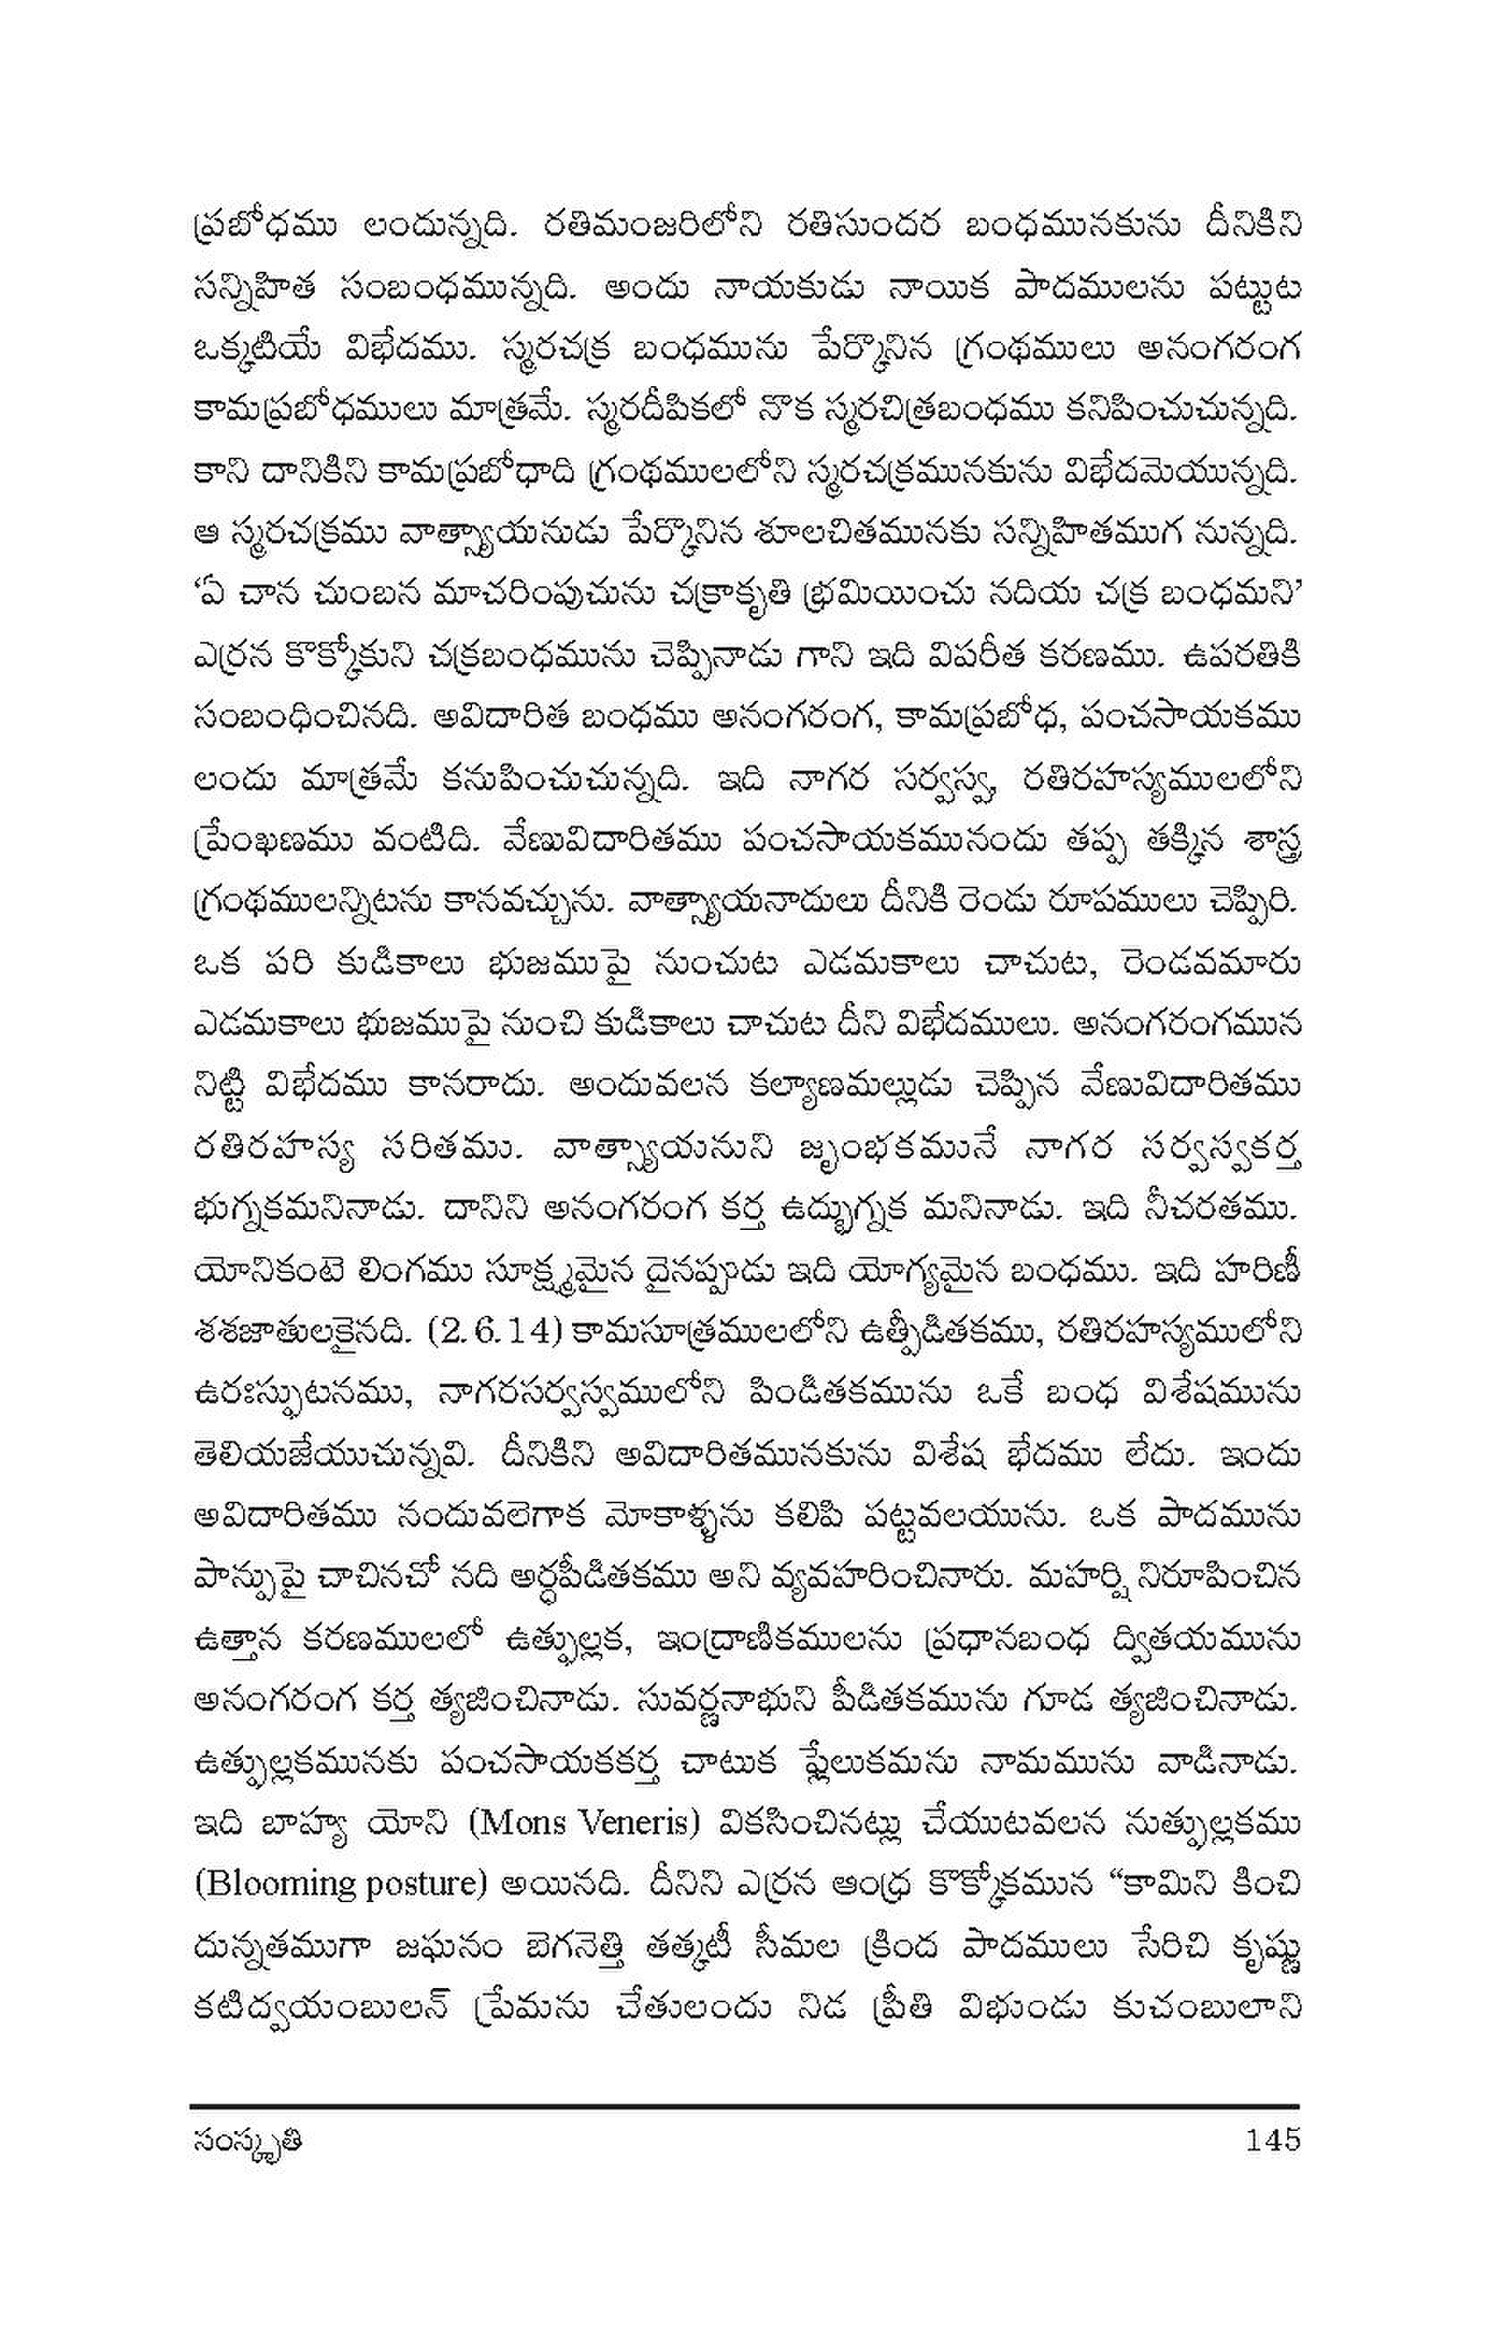ప్రబోధము లందున్నది. రతిమంజరిలోని రతిసుందర బంధమునకును దీనికిని
సన్నిహిత సంబంధమున్నది. అందు నాయకుడు నాయిక పాదములను పట్టుట
ఒక్కటియే విభేదము. స్మరచక్ర బంధమును పేర్కొనిన గ్రంథములు అనంగరంగ
కామప్రబోధములు మాత్రమే. స్మరదీపికలో నొక స్మరచిత్రబంధము కనిపించుచున్నది.
కాని దానికిని కామప్రబోధాది గ్రంథములలోని స్మరచక్రమునకును విభేదమెయున్నది.
ఆ స్మరచక్రము వాత్స్యాయనుడు పేర్కొనిన శూలచితమునకు సన్నిహితముగ నున్నది.
'ఏ చాన చుంబన మాచరింపుచును చక్రాకృతి భ్రమియించు నదియ చక్ర బంధమని’
ఎర్రన కొక్కోకుని చక్రబంధమును చెప్పినాడు గాని ఇది విపరీత కరణము. ఉపరతికి
సంబంధించినది. అవిదారిత బంధము అనంగరంగ, కామప్రబోధ, పంచసాయకము
లందు మాత్రమే కనుపించుచున్నది. ఇది నాగర సర్వస్వ, రతిరహస్యములలోని
ప్రేంఖణము వంటిది. వేణువిదారితము పంచసాయకమునందు తప్ప తక్కిన శాస్త్ర
గ్రంథములన్నిటను కానవచ్చును. వాత్స్యాయనాదులు దీనికి రెండు రూపములు చెప్పిరి.
ఒక పరి కుడికాలు భుజముపై నుంచుట ఎడమకాలు చాచుట, రెండవమారు
ఎడమకాలు భుజముపై నుంచి కుడికాలు చాచుట దీని విభేదములు. అనంగరంగమున
నిట్టి విభేదము కానరాదు. అందువలన కల్యాణమల్లుడు చెప్పిన వేణువిదారితము
రతిరహస్య సరితము. వాత్స్యాయనుని జృంభకమునే నాగర సర్వస్వకర్త
భుగ్నకమనినాడు. దానిని అనంగరంగ కర్త ఉద్భుగ్నక మనినాడు. ఇది నీచరతము.
యోనికంటె లింగము సూక్ష్మమైన దైనప్పుడు ఇది యోగ్యమైన బంధము. ఇది హరిణీ
శశజాతులకైనది. (2.6.14) కామసూత్రములలోని ఉత్పీడితకము, రతిరహస్యములోని
ఉరఃస్ఫుటనము, నాగరసర్వస్వములోని పిండితకమును ఒకే బంధ విశేషమును
తెలియజేయుచున్నవి. దీనికిని అవిదారితమునకును విశేష భేదము లేదు. ఇందు
అవిదారితము నందువలెగాక మోకాళ్ళను కలిపి పట్టవలయును. ఒక పాదమును
పాన్పుపై చాచినచో నది అర్ధపీడితకము అని వ్యవహరించినారు. మహర్షి నిరూపించిన
ఉత్తాన కరణములలో ఉత్ఫుల్లక, ఇంద్రాణికములను ప్రధానబంధ ద్వితీయమును
అనంగరంగ కర్త త్యజించినాడు. సువర్ణనాభుని పీడితకమును గూడ త్యజించినాడు.
ఉత్ఫుల్లకమునకు పంచసాయకకర్త చాటుక ప్లేలుకమను నామమును వాడినాడు.
ఇది బాహ్య యోని (Mons Veneris) వికసించినట్లు చేయుటవలన నుత్ఫుల్లకము
(Blooming posture) అయినది. దీనిని ఎర్రన ఆంధ్ర కొక్కోకమున "కామిని కించి
దున్నతముగా జఘనం బెగనెత్తి తత్కటీ సీమల క్రింద పాదములు సేరిచి కృష్ణు
కటిద్వయంబులన్ ప్రేమను చేతులందు నిడ ప్రీతి విభుండు కుచంబులాని